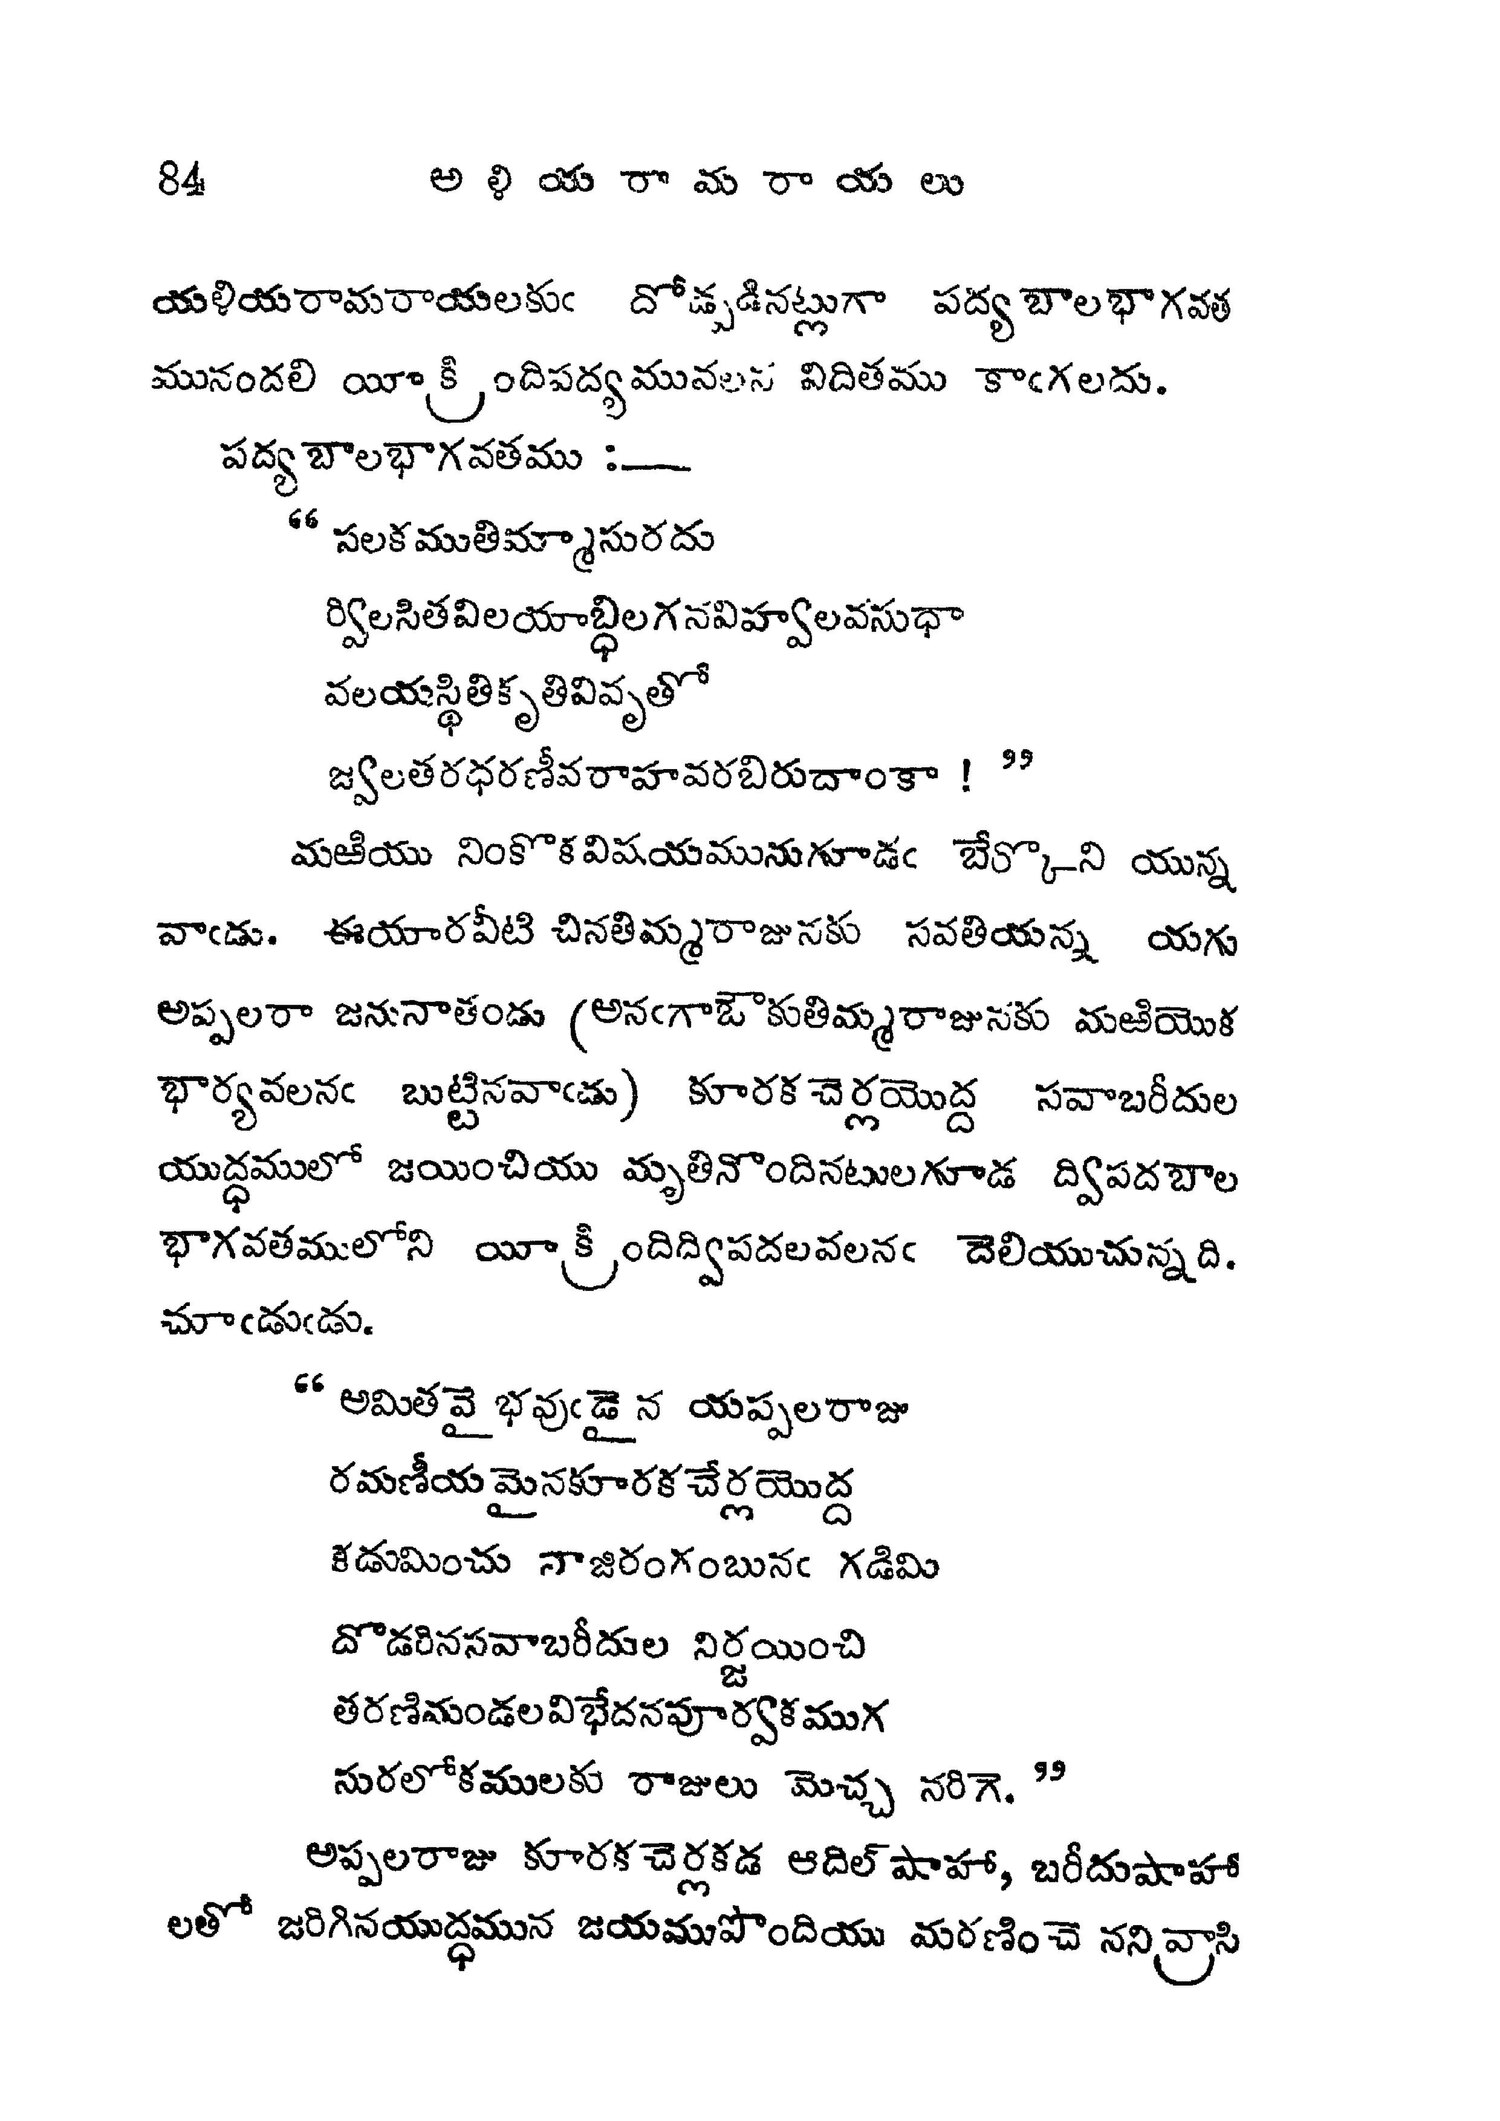యళియరామరాయలకు దోడ్పడినట్లుగా పద్యబాలభాగవతమునందలి యీక్రింది పద్యమువలన విదితము కాగలదు.

పద్యబాలభాగవతము:-

 "సలకముతిమ్మాసురదు
 ర్విలసితవిలయాబ్ధిలగనవిహ్వలవసుధా
 వలయస్థితికృతివివృతో
 జ్వలతరధరణీవరాహవరబిరుదాంకా!"

మఱియు నింకొకవిషయమునుగూడ బేర్కొని యున్న వాడు. ఈయారవీటి చినతిమ్మరాజునకు సవతియన్న యగు అప్పలరా జనునాతండు (అనగా ఔకుతిమ్మరాజునకు మఱియొక భార్యవలన బుట్టినవాడు) కూరకచెర్లయొద్ద సవాబరీదుల యుద్ధములో జయించియు మృతినొందినటులగూడ ద్విపదబాలభాగవతములోని యీక్రిందిద్విపదలవలన దెలియుచున్నది. చూడుడు.

 "అమితవైభవుడైన యప్పలరాజు
 రమణీయమైనకూరకచేర్లయొద్ద
 కడుమించు సాజిరంగంబున గడిమి
 దొడరినసవాబరీదుల నిర్జయించి
 తరణిమండలవిభేదనపూర్వకముగ
 సురలోకములకు రాజులు మెచ్చ నరిగె."

అప్పలరాజు కూరకచెర్లకడ ఆదిల్‌షాహా, బరీదుషాహాలతో జరిగినయుద్ధమున జయముపొందియు మరణించె ననివ్రాసి